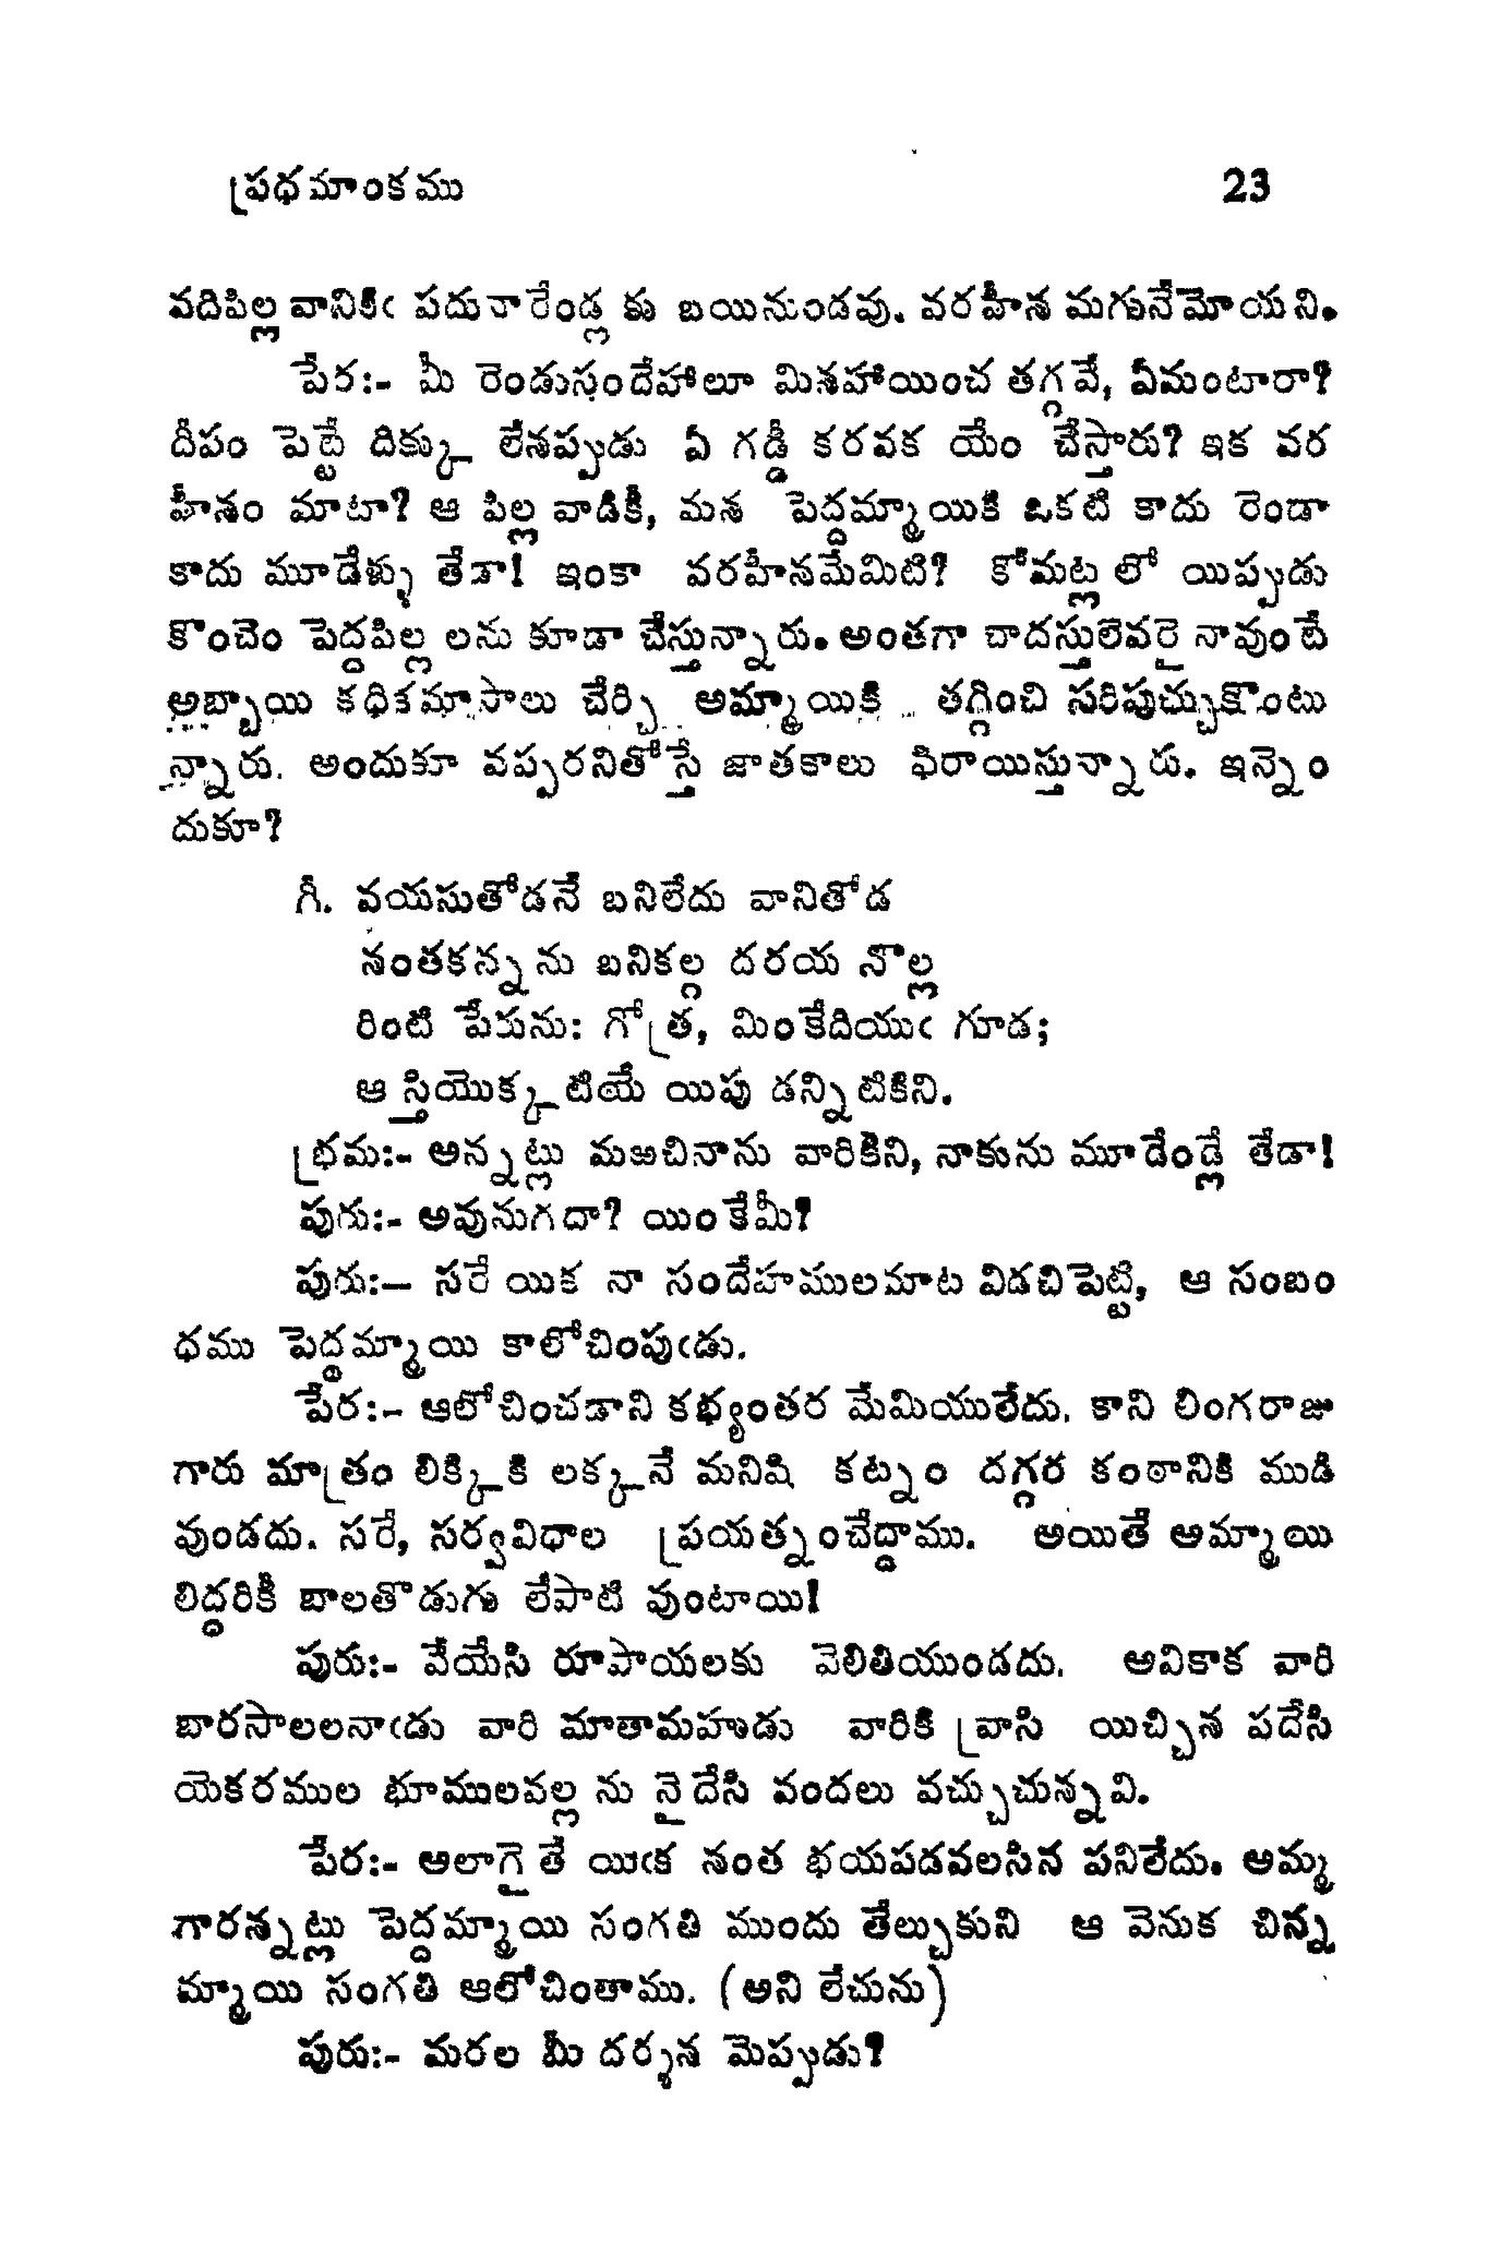వదిపిల్లవానికిఁ పదునారేండ్లకు బయినుండవు. వరహీనమగునేమోయని.

పేర:- మీ రెండుసందేహాలూ మినహాయించ తగ్గవే, ఏమంటారా? 
దీపం పెట్టే దిక్కు లేనప్పుడు ఏ గడ్డీ కరవక యేం చేస్తారు? ఇక వరహీనం మాటా? ఆ పిల్లవాడికీ, మన పెద్దమ్మాయికి ఒకటి కాదు రెండా కాదు మూడేళ్ళు తేడా! ఇంకా వరహీనమేమిటి? కోమట్లలో యిప్పుడు కొంచెం పెద్దపిల్లలను కూడా చేస్తున్నారు. అంతగా చాదస్తులెవరైనావుంటే అబ్బాయి కధికమాసాలు చేర్చీ, అమ్మాయికి తగ్గించి సరిపుచ్చుకొంటున్నారు. అందుకూ వప్పరనితోస్తే జాతకాలు ఫిరాయిస్తున్నారు. ఇన్నెందుకూ?

గీ. వయసుతోడనే బనిలేదు వావితోడ
 నంతకన్నను బనికల్గ -దరయ నొల్ల
 రింటి పేరును: గోత్ర, మింకేదియుఁ గూడ;
 ఆస్తియొక్కటియే యిపు డన్నిటికిని.

భ్రమ:- అన్నట్లు మఱచినాను వారికిని నాకు మూడేండ్లే తేడా!

పేర:- అవునుగదా? యింకేమీ?

పురు:- సరే యిక నా సందేహములమాట విడిచిపెట్టి, ఆ సంబంధము పెద్దమ్మాయి కాలోచింపుఁడు.

పేర:- ఆలోచించడాని కభ్యంతర మేమియులేదు. కాని లింగరాజుగారు మాత్రం లిక్కికి లక్కనే మనిషి. కట్నం దగ్గర కంఠానికి ముడి వుండదు. సరే, సర్వవిధాలా ప్రయత్నంచేద్దాము. అయితే అమ్మాయి లిద్దరికీ బాలతొడుగు లేపాటి వుంటాయి?

పురు:- వేయేసి రూపాయలకు వెలితియుండదు. అవికాక వారి బారసాలలనాఁడు వారి మాతామహుఁడు వారికి వ్రాసి యిచ్చిన పదేసి యెకరముల భూములవల్లను నైదేసి వందలు వచ్చుచున్నవి.

పేర:- అలాగైతే యిఁక నంత భయపడవలసిన పనిలేదు. అమ్మగారన్నట్లు పెద్దమ్మాయి సంగతి ముందు తేల్చుకుని ఆ వెనుక చిన్నమ్మాయి సంగతి ఆలోచింతాము. (అని లేచును.)

పురు:- మరల మీదర్శన మెప్పుడు?